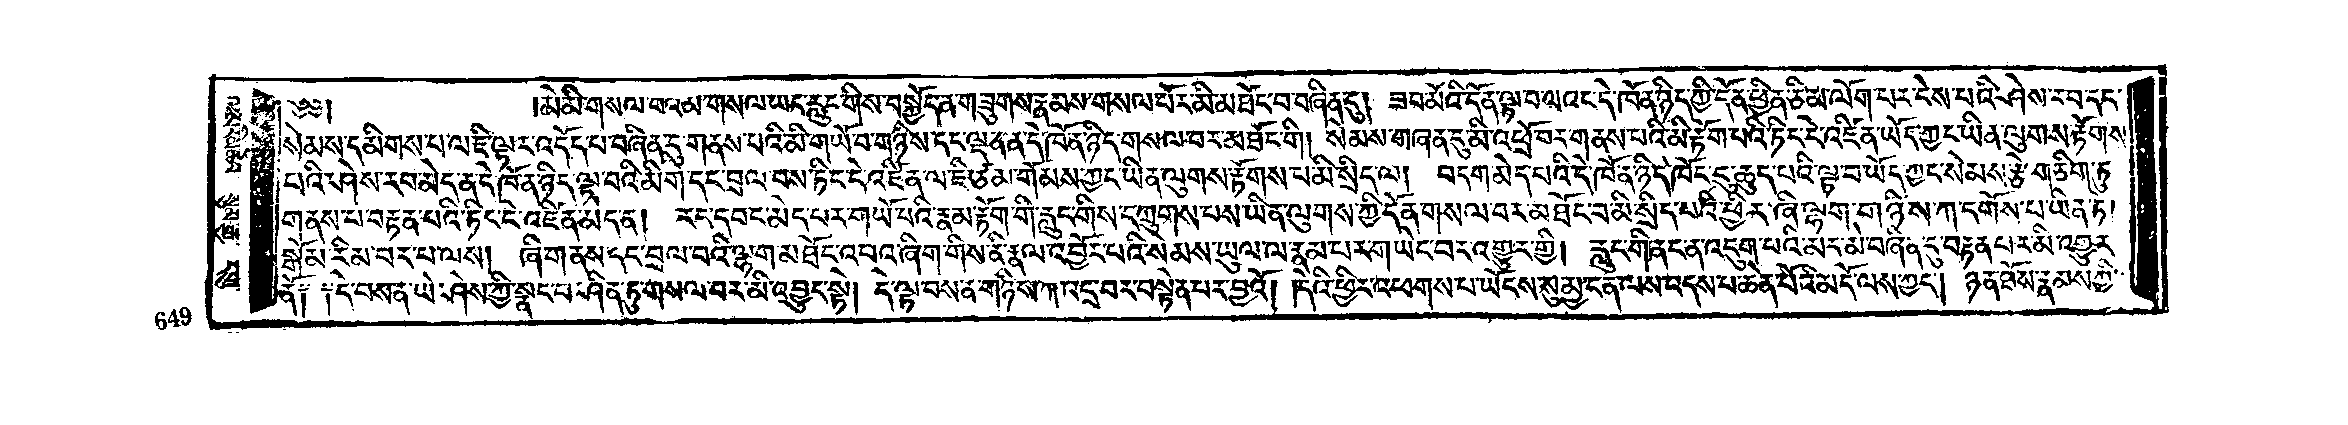༄༅། །མེ་མི་གསལ་བའམ་གསལ་ཡང་རླུང་གིས་བསྐྱོད་ན་གཟུགས་རྣམས་གསལ་པོར་མི་མཐོང་བ་བཞིན་དུ། ཟབ་མོའི་དོན་ལྟ་བ་ལའང་དེ་ཁོ་ན་ཉིད་ཀྱི་དོན་ཕྱིན་ཅི་མ་ལོག་པར་ངེས་པའི་ཤེས་རབ་དང་
སེམས་དམིགས་པ་ལ་ཇི་ལྟར་འདོད་པ་བཞིན་དུ་གནས་པའི་མི་གཡོ་བ་གཉིས་དང་ལྡན་ན་དེ་ཁོ་ན་ཉིད་གསལ་བར་མཐོང་གི། སེམས་གཞན་དུ་མི་འཕྲོ་བར་གནས་པའི་མི་རྟོག་པའི་ཏིང་ངེ་འཛིན་ཡོད་ཀྱང་ཡིན་ལུགས་རྟོགས་
པའི་ཤེས་རབ་མེད་ན་དེ་ཁོ་ན་ཉིད་ལྟ་བའི་མིག་དང་བྲལ་བས་ཏིང་ངེ་འཛིན་ལ་ཇི་ཙམ་གོམས་ཀྱང་ཡིན་ལུགས་རྟོགས་པ་མི་སྲིད་ལ། བདག་མེད་པའི་དེ་ཁོ་ན་ཉིད་ཁོང་དུ་ཆུད་པའི་ལྟ་བ་ཡོད་ཀྱང་སེམས་རྩེ་གཅིག་ཏུ་
གནས་པ་བརྟན་པའི་ཏིང་ངེ་འཛིན་མེད་ན། རང་དབང་མེད་པར་གཡོ་བའི་རྣམ་རྟོག་གི་རླུང་གིས་དཀྲུགས་པས་ཡིན་ལུགས་ཀྱི་དོན་གསལ་བར་མཐོང་བ་མི་སྲིད་པའི་ཕྱིར་ཞི་ལྷག་གཉིས་ཀ་དགོས་པ་ཡིན་ཏེ།
སྒོམ་རིམ་བར་པ་ལས། ཞི་གནས་དང་བྲལ་བའི་ལྷག་མཐོང་འབའ་ཞིག་གིས་ནི་རྣལ་འབྱོར་པའི་སེམས་ཡུལ་ལ་རྣམ་པར་གཡེང་བར་འགྱུར་གྱི། རླུང་གི་ནང་ན་འདུག་པའི་མར་མེ་བཞིན་དུ་བརྟན་པར་མི་འགྱུར་
རོ༑ ༑དེ་བས་ན་ཡེ་ཤེས་ཀྱི་སྣང་བ་ཤིན་ཏུ་གསལ་བར་མི་འབྱུང་སྟེ། དེ་ལྟ་བས་ན་གཉིས་ཀ་འདྲ་བར་བསྟེན་པར་བྱའོ། །དེའི་ཕྱིར་འཕགས་པ་ཡོངས་སུ་མྱ་ངན་ལས་འདས་པ་ཆེན་པོའི་མདོ་ལས་ཀྱང་། ཉན་ཐོས་རྣམས་ཀྱིས་